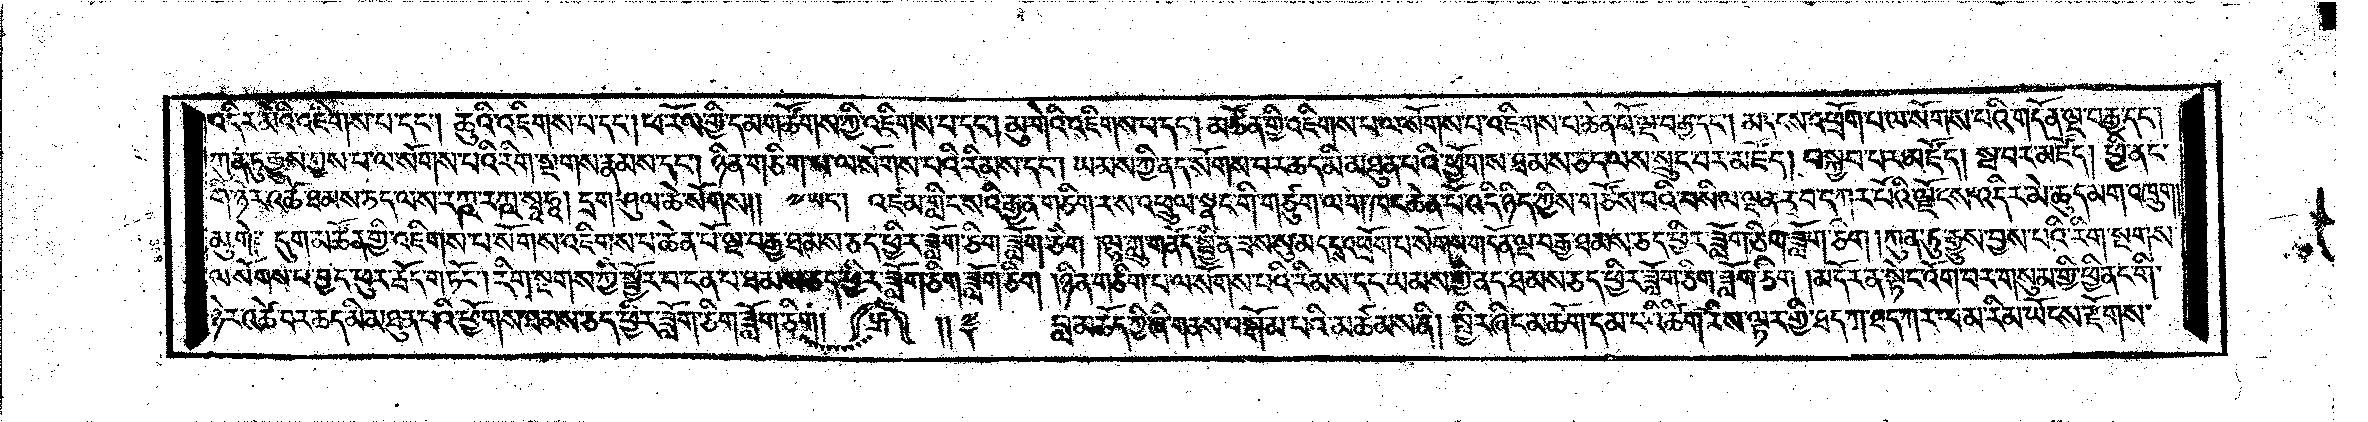འདིར་མེའི་འཇིགས་པ་དང་། ཆུའི་འཇིགས་པ་དང་། ཕ་རོལ་གྱི་དམག་ཚོགས་ཀྱི་འཇིགས་པ་དང་། མུ་གེའི་འཇིགས་པ་དང་། མཚོན་གྱི་འཇིགས་པ་ལ་སོགས་པ་འཇིགས་པ་ཆེན་པོ་ལྔ་བརྒྱ་དང་། མདངས་འཕྲོག་པ་ལ་སོགས་པའི་གདོན་ལྔ་བརྒྱ་དང་།
ཀུན་ཏུ་རྒྱུས་བྱས་པ་ལ་སོགས་པའི་རིག་སྔགས་རྣམས་དང་། ཉིན་གཅིག་པ་ལ་སོགས་པའི་རིམས་དང་། ཡམས་ཀྱི་ནད་སོགས་བར་ཆད་མི་མཐུན་པའི་ཕྱོགས་ཐམས་ཅད་ལས་སྲུང་བར་མཛོད། བསྐྱབ་པར་མཛོད། སྦ་བར་མཛེད། ཕྱི་ནང་
གི་ཉེར་འཚེ་ཐམས་ཅད་ལས་རཀྵ་རཀྵ་སྭཱཧཱ། དྲག་ཤུལ་ཆེ་སོགས།། ༧ཡང་།  འཛམ་གླིང་སའི་རྒྱན་གཅིག་ར་ས་འཕྲུལ་སྣང་གི་གཙུག་ལག་ཁང་ཆེན་པོ་འདི་ཉིད་ཀྱིས་གཙོས་པའི་བསིལ་ལྡན་རབ་དཀར་པོའི་ལྗོངས་འདིར་མེ་ཆུ་དམག་འཁྲུག་
མུ་གེ༑ དུག་མཚོན་གྱི་འཇིགས་པ་སོགས་འཇིགས་པ་ཆེན་པོ་ལྔ་བརྒྱ་ཐམས་ཅད་ཕྱིར་ཟློག་ཅིག་ཟློག་ཅིག །ལྷ་ཀླུ་གནོད་སྦྱིན་ཟས་སུ་མདངས་འཕྲོག་པ་སོགས་གདོན་ལྔ་བརྒྱ་ཐམས་ཅད་ཕྱིར་ཟློག་ཅིག་ཟློག་ཅིག །ཀུན་ཏུ་རྒྱུས་བྱས་པའི་རིག་སྔགས་
ལ་སོགས་པ་བྱང་ཕུར་རྦོད་གཏོང་། རིག་སྔགས་ཀྱི་སྦྱོར་བ་ངན་པ་ཐམས་ཅད་ཕྱིར་ཟློག་ཅིག་ཟློག་ཅིག །ཉིན་གཅིག་པ་ལ་སོགས་པའི་རིམས་དང་ཡམས་ཀྱི་ནད་ཐམས་ཅད་ཕྱིར་ཟློག་ཅིག་ཟློག་ཅིག །མདོར་ན་སྟེང་འོག་བར་གསུམ་གྱི་ཕྱི་ནང་གི་
ཉེར་འཚེ་བར་ཆད་མི་མཐུན་པའི་ཕྱོགས་ཐམས་ཅད་ཕྱིར་ཟློག་ཅིག་ཟློག་ཅིག། །།༈ བླ་མཆོད་ཀྱི་ཞི་གནས་བསྒོམ་པའི་མཚམས་ནི། སྤྱིར་ཞིང་མཆོག་དམ་པའི་ཚིག་རིས་ལྟར་གྱི་ཐད་ཀ་ཐད་ཀར་ལམ་རིམ་ཡོངས་རྫོགས་